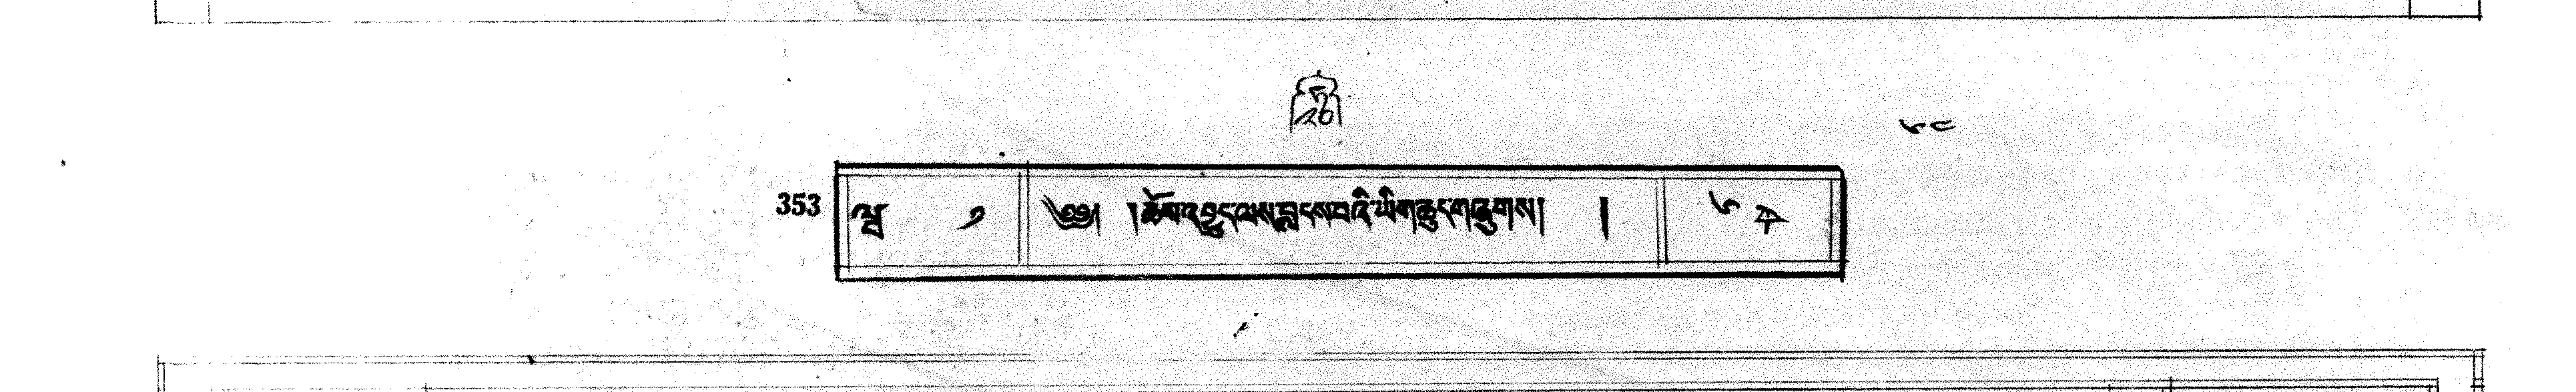ཏ ༢༠?
ཝ ༡་༄༅། །ཆོས་འབྱུང་ལས་བླངས་བའི་ཡིག་ཆུང་གཞུགས། ༦